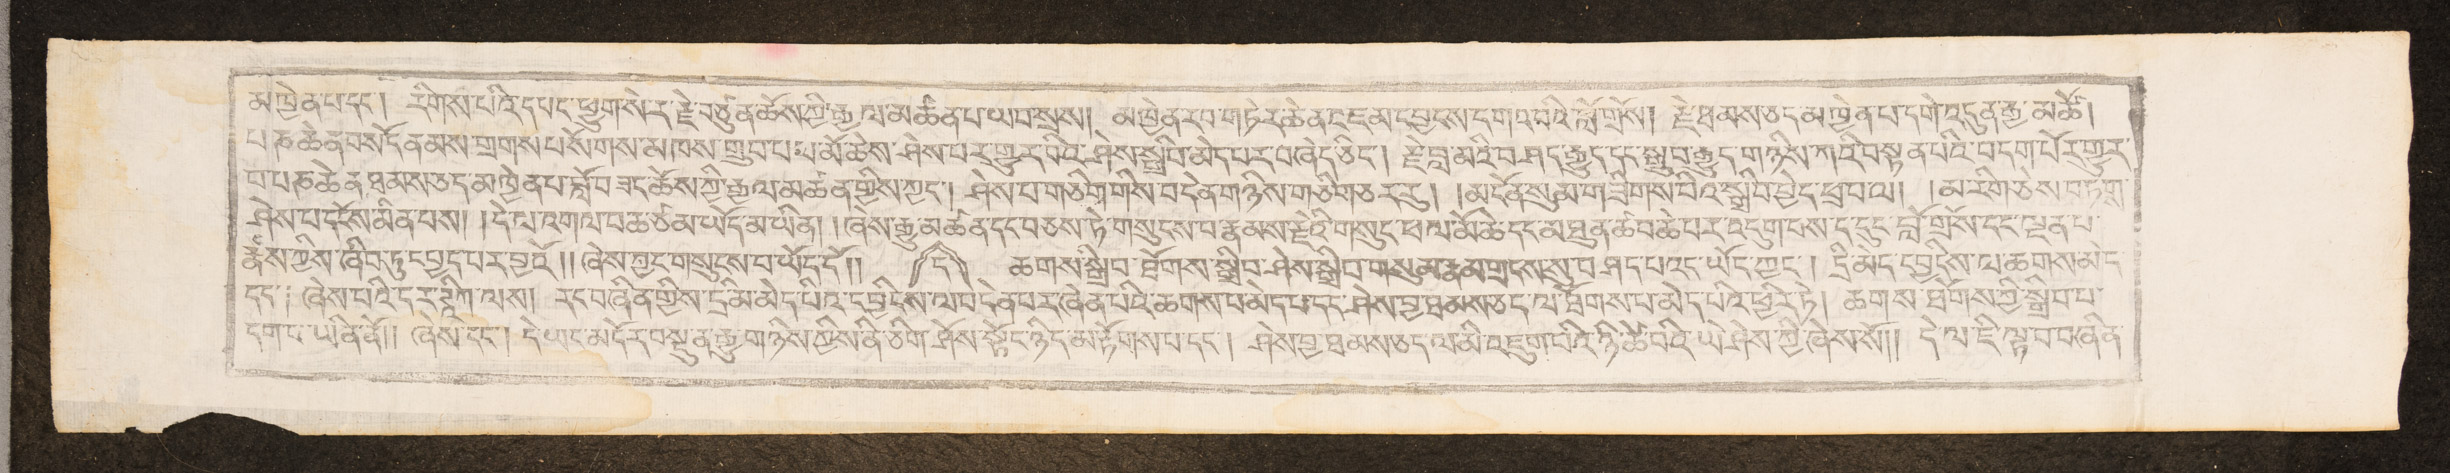མཁྱེན་པ་དང་། རིགས་པའི་དབང་ཕྱུག་སེར་རྗེ་བཙུན་ཆོས་ཀྱི་རྒྱལ་མཚན་པ་ཡབ་སྲས། མཁྱེན་རབ་གཏེར་ཆེན་འཇམ་དབྱངས་དགའ་བའི་བློ་གྲོས། རྗེ་ཐམས་ཅད་མཁྱེན་པ་དགེ་འདུན་རྒྱ་མཚོ།
པཎ་ཆེན་བསོད་ནམས་གྲགས་པ་སོགས་མཁས་གྲུབ་པ་ལ་མོ་ཆེས་ཤེས་པར་གྱུར་བའི་ཤེས་སྒྲིབ་མེད་པར་བཞེད་ཅིང་། རྗེ་བླ་མའི་བཤད་རྒྱུད་དང་སྒྲུབ་རྒྱུད་གཉིས་ཀའི་བསྟན་པའི་བདག་པོར་གྱུར་
བ་པཎ་ཆེན་ཐམས་ཅད་མཁྱེན་པ་བློ་བཟང་ཆོས་ཀྱི་རྒྱལ་མཚན་གྱིས་ཀྱང་། ཤེས་པ་གཅིག་གིས་བདེན་གཉིས་གཅིག་ཅར་རུ། །མངོན་སུམ་གཟིགས་པའི་སྒྲིབ་བྱེད་ཕྲ་བ་ལ། །མ་རིག་ཅེས་བཏགས་
ཤེས་པ་དངོས་མིན་པས། །དེ་ལ་འགལ་བ་ཆ་ཙམ་ཡོད་མ་ཡིན། །ཞེས་རྒྱུ་མཚན་དང་བཅས་ཏེ་གསུངས་པ་རྣམས་རྗེའི་གསུང་ཕལ་མོ་ཆེ་དང་མཐུན་ཚ་བ་ཆེ་བར་འདུག་པས་ད་དུང་བློ་གྲོས་དང་ལྡན་པ་
རྣཾས་ཀྱིས་ཞིབ་ཏུ་དཔྱད་པར་བྱའོ། །ཞེས་ཀྱང་གསུངས་པ་ཡོད་དོ།། ༼༽ད༼༽ ཆགས་སྒྲིབ་ཐོགས་སྒྲིབ་ཤེས་སྒྲིབ་གསུམ་རྣམ་གྲངས་སུ་བཤད་པའང་ཡོད་ཀྱང་། དྲི་མེད་དབྱིངས་ལ་ཆགས་མེད་
དང༑ ཞེས་པའི་དར་ཊཱིཀ་ལས། རང་བཞིན་གྱིས་དྲི་མ་མེད་པའི་དབྱིངས་ལ་བདེན་པར་ཞེན་པའི་ཆགས་པ་མེད་པ་དང་ཤེས་བྱ་ཐམས་ཅད་ལ་ཐོགས་པ་མེད་པའི་ཕྱིར་ཏེ། ཆགས་ཐོགས་ཀྱི་སྒྲིབ་པ་
དག་པ་ཡིན་ནོ།། ཞེས་དང་། དེ་ཡང་མདོར་བསྡུ་ན་རྒྱུ་གཉིས་ཀྱིས་ནི་ཅིག་ཤོས་སྟོང་ཉིད་མ་རྟོགས་པ་དང་། ཤེས་བྱ་ཐམས་ཅད་ལ་མི་འཇུག་པའི་ཉི་ཚེ་བའི་ཡེ་ཤེས་ཀྱི་ཞེས་སོ།། དེ་ལ་ཇི་ལྟ་བ་བཞིན་